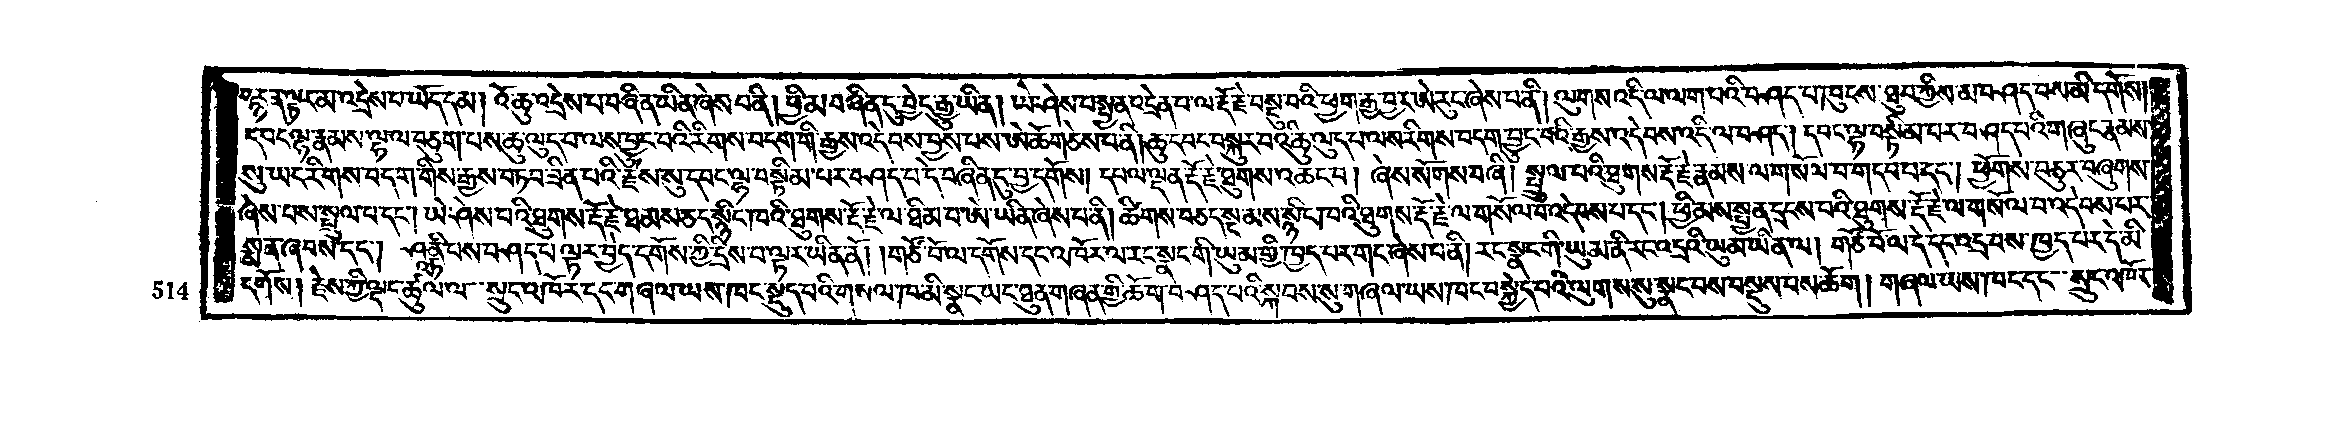བརྙན་ལྟར་མ་འདྲེས་པ་ཡོད་དམ། འོ་ཆུ་འདྲེས་པ་བཞིན་ཡིན་ཞེས་པ་ནི། ཕྱི་མ་བཞིན་དུ་བྱེད་རྒྱུ་ཡིན། ཡེ་ཤེས་པ་སྤྱན་འདྲེན་པ་ལ་རྡོ་རྗེ་བསྡུ་བའི་ཕྱག་རྒྱ་བྱར་ཨེ་རུང་ཞེས་པ་ནི། ལུགས་འདི་ལ་ལག་པའི་བཤད་པ་ཁུངས་ཐུབ་ཀྱིས་མ་བཤད་པས་མི་དགོས།
དབང་ལྷ་རྣམས་ལྷ་ལ་བཅུག་པས་ཆུ་ལུད་པ་ལས་བྱུང་པའི་རིགས་བདག་གི་རྒྱས་འདེབས་བྱས་པས་ཨེ་ཆོག་ཅེས་པ་ནི། ཆུ་དབང་བསྐུར་བའི་ཆུ་ལུད་པ་ལས་རིགས་བདག་བྱུང་བའི་རྒྱས་འདེབས་འདི་ལ་བཤད། དབང་ལྷ་བསྟིམ་པར་བཤད་པའི་གཞུང་རྣམས་
སུ་ཡང་རིགས་བདག་གིས་རྒྱས་བཏབ་ཟིན་པའི་རྗེས་སུ་དབང་ལྷ་བསྟིམ་པར་བཤད་པ་དེ་བཞིན་དུ་བྱ་དགོས། དཔལ་ལྡན་རྡོ་རྗེ་ཐུགས་འཆང་བ། ཞེས་སོགས་བཞི། སྤྲུལ་པའི་ཐུགས་རྡོ་རྗེ་རྣམས་ལ་གསོལ་བ་གདབ་པ་དང་། ཕྱོགས་བཅུར་བཞུགས་
ཞེས་པས་སྤྲུལ་པ་དང་། ཡེ་ཤེས་པའི་ཐུགས་རྡོ་རྗེ་ཐམས་ཅད་སྙིང་ཁའི་ཐུགས་རྡོ་རྗེ་ལ་ཐིམ་པ་ཨེ་ཡིན་ཞེས་པ་ནི། ཚིགས་བཅད་སྔ་མས་སྙིང་ཁའི་ཐུགས་རྡོ་རྗེ་ལ་གསོལ་བ་འདེབས་པ་དང་། ཕྱི་མས་སྤྱན་དྲངས་པའི་ཐུགས་རྡོ་རྗེ་ལ་གསོལ་བ་འདེབས་པར་
སྨན་ཞབས་དང་། ཤཱནྟི་པས་བཤད་པ་ལྟར་བྱེད་དགོས་ཀྱི་དྲིས་པ་ལྟར་ཡིན་ནོ། །གཙོ་བོ་ལ་དངོས་དང་འཁོར་ལ་རང་སྣང་གི་ཡུམ་གྱི་ཁྱད་པར་གང་ཞེས་པ་ནི། རང་སྣང་གི་ཡུམ་ནི་རང་འདྲའི་ཡུམ་ཡིན་ལ། གཙོ་བོ་ལ་དེ་དང་འདྲ་བས་ཁྱད་པར་དེ་མི་
དགོས། རྗེས་ཀྱི་ལྡང་ཚུལ་ལ་སྲུང་འཁོར་དང་གཞལ་ཡས་ཁང་སྡུད་པའི་གསལ། བ་མི་སྣང་ཡང་ཐུན་གཞན་གྱི་ཆོ་ག་བཤད་པའི་སྐབས་སུ་གཞལ་ཡས་ཁང་བསྐྱེད་པའི་ལུགས་སུ་སྣང་བས་བསྡུས་པས་ཆོག །གཞལ་ཡས་ཁང་དང་སྲུང་འཁོར་